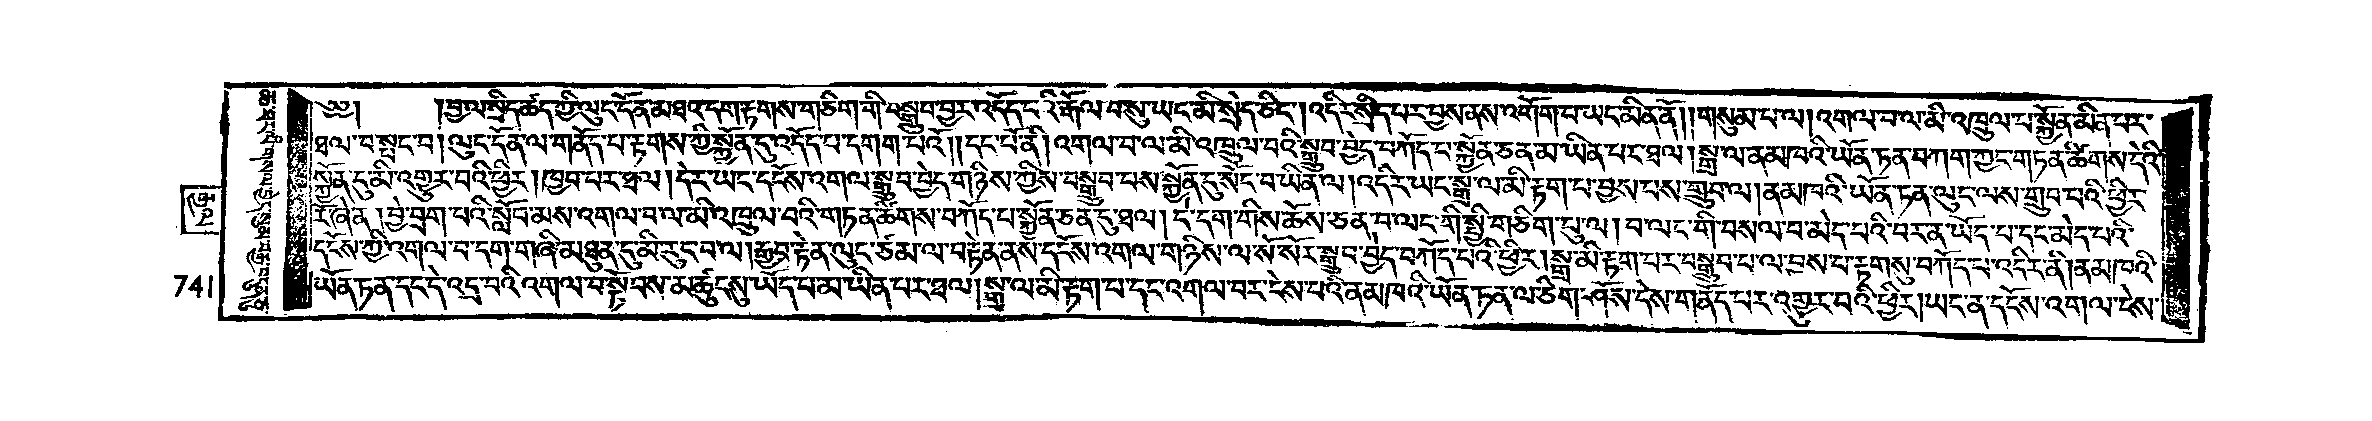༄༅། །བྱ་ལ་སྲིད་ཚད་ཀྱི་ལུང་དོན་མཐའ་དག་རྟགས་གཅིག་གི་བསྒྲུབ་བྱར་འདོད་པའི་རྒོལ་བ་སུ་ཡང་མི་སྲེད་ཅིང་། འདིར་སྲིད་པར་བྱས་ནས་འགོག་པ་ཡང་མིན་ནོ། །གསུམ་པ་ལ། འགལ་བ་ལ་མི་འཁྲུལ་པ་སྐྱོན་མིན་པར་
ཐལ་བ་སྤང་བ། ལུང་དོན་ལ་གནོད་པ་རྟགས་ཀྱི་སྐྱོན་དུ་འདོད་པ་དགག་པའོ། །དང་པོ་ནི། འགལ་བ་ལ་མི་འཁྲུལ་བའི་སྒྲུབ་བྱེད་བཀོད་པ་སྐྱོན་ཅན་མ་ཡིན་པར་ཐལ། སྒྲ་ལ་ནམ་མཁའི་ཡོན་ཏན་བཀག་ཀྱང་གཏན་ཚིགས་དེའི་
སྐྱོན་དུ་མི་འགྱུར་བའི་ཕྱིར། ཁྱབ་པར་ཐལ། དེར་ཡང་དངོས་འགལ་སྒྲུབ་བྱེད་གཉིས་ཀྱིས་བསྒྲུབ་པས་སྐྱོན་དུ་སོང་བ་ཡིན་ལ། འདིར་ཡང་སྒྲ་ལ་མི་རྟག་པ་བྱས་པས་གྲུབ་ལ། ནམ་མཁའི་ཡོན་ཏན་ལུང་ལས་གྲུབ་པའི་ཕྱིར་
རོ་ཞེ་ན། བྱེ་བྲག་པའི་སློབ་མས་འགལ་བ་ལ་མི་འཁྲུལ་བའི་གཏན་ཚིགས་བཀོད་པ་སྐྱོན་ཅན་དུ་ཐལ། དེ་དག་གིས་ཆོས་ཅན་བ་ལང་གི་སྤྱི་གཅིག་པུ་ལ། བ་ལང་གི་བསལ་བ་མེད་པའི་བར་ན་ཡོད་པ་དང་མེད་པའི་
དངོས་ཀྱི་འགལ་བ་དག་གཞི་མཐུན་དུ་མི་རུང་བ་ལ། རྒྱབ་རྟེན་ལུང་ཙམ་ལ་བརྟེན་ནས་དངོས་འགལ་གཉིས་ལ་སོ་སོར་སྒྲུབ་བྱེད་བཀོད་པའི་ཕྱིར། སྒྲ་མི་རྟག་པར་བསྒྲུབ་པ་ལ་བྱས་པ་རྟགས་སུ་བཀོད་པ་འདིར་ནི། ནམ་མཁའི་
ཡོན་ཏན་དང་དེ་འདྲ་བའི་འགལ་བ་སྟོབས་མཚུངས་སུ་ཡོད་པ་མ་ཡིན་པར་ཐལ། སྒྲ་ལ་མི་རྟག་པ་དང་འགལ་བར་ངེས་པའི་ནམ་མཁའི་ཡོན་ཏན་ལ་ཅིག་ཤོས་དེས་གནོད་པར་འགྱུར་བའི་ཕྱིར། ཡང་ན་དངོས་འགལ་ངེས་